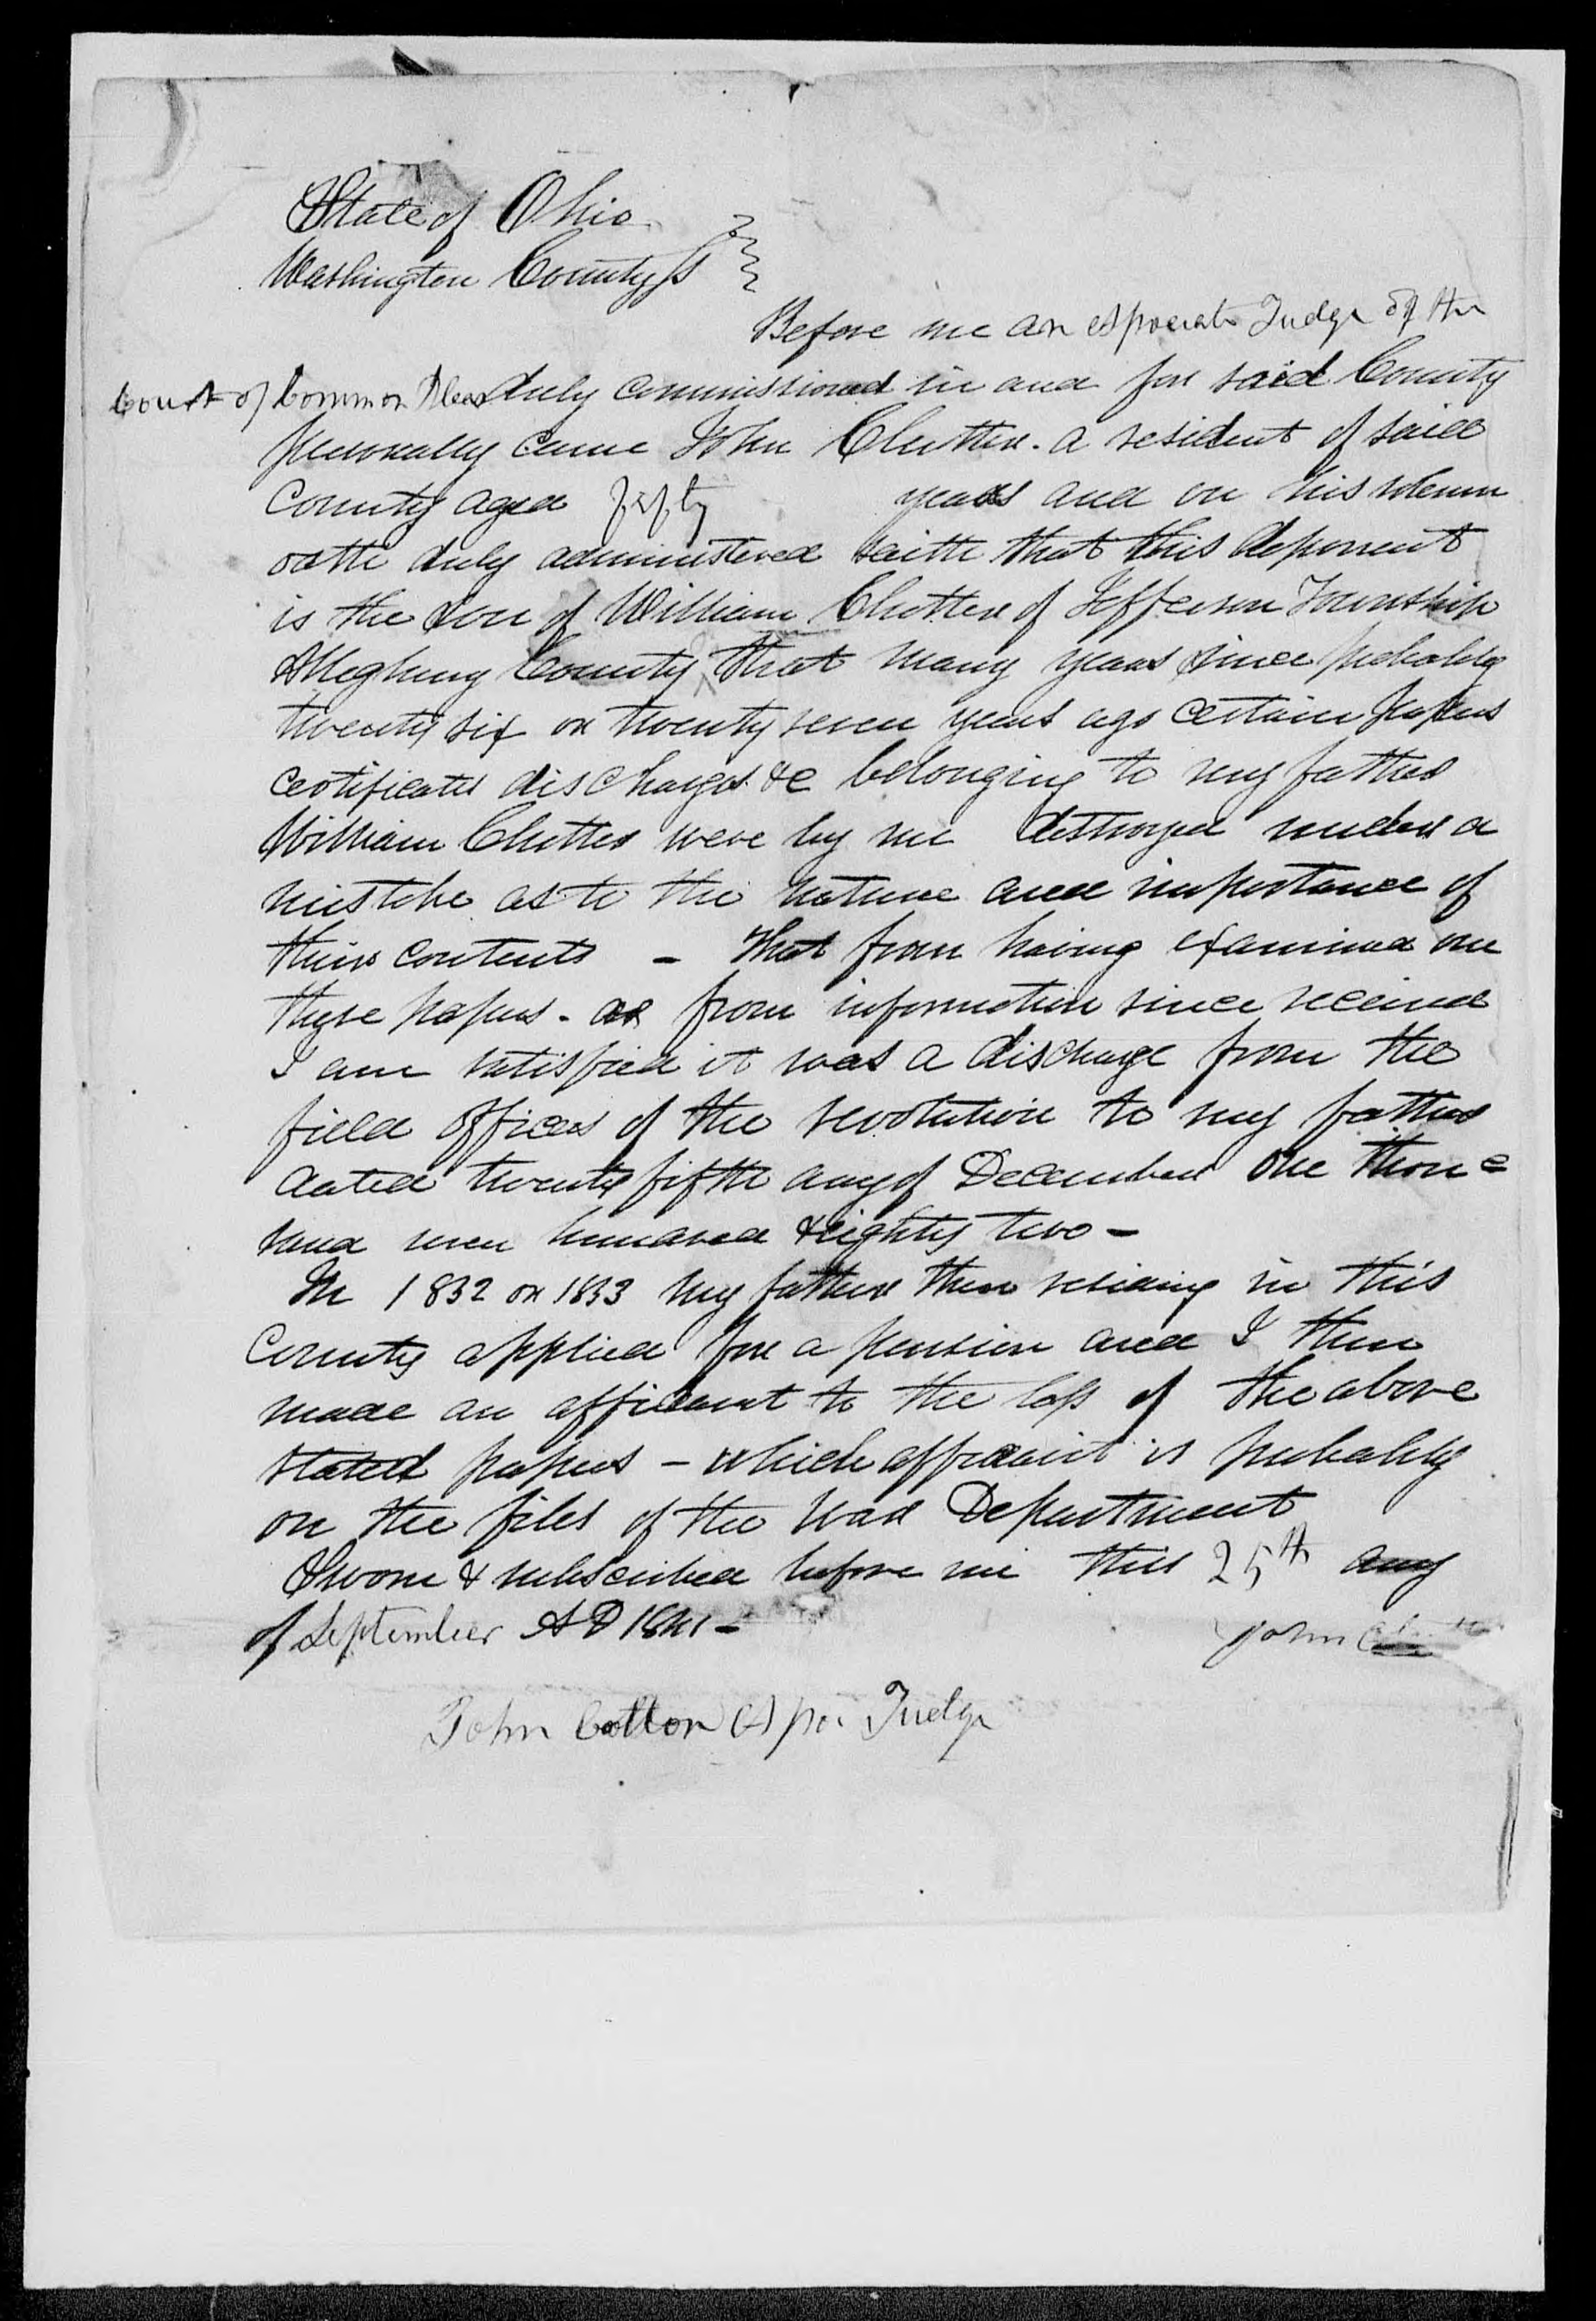State of Ohio
Washington County ss.
Before me an associate Judge of the Cort of Common Pleas, duly commissioned in and for said County personally came John Clutter, a resident of said County aged fifty years and on his solemn oath duly administered saith that this deponent is the son of William Clutter of Jefferson Township, Allegheny County, Pa, that many years since, probably twenty six or twenty seven years ago, certain papers certificates discharges &c belonging to my father William Clutter were by me destroyed under a mistake as to the nature and importance of their contents.  That from having examined once these papers, or from information since received, I am satisfied it was a discharge from the field officers of the revolution to my father dated twenty fifth day of December one thousand seven hundred & eighty two.  
In 1832 or 1833 my father then residing in this county applied for a pension and I then made an affidavit to the loss of the above stated papers - which affidavit is probably on the files of the War Department.  
John Clutter

Sworn & subscribed before me this 25th day of September AD 1841.
John Cotton Assoc Judge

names: John Clutter, William Clutter, William Clutter, John Cotton, John Cotton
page: 34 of 35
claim: rejected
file: R. 2066, William Clutter, New Jersey